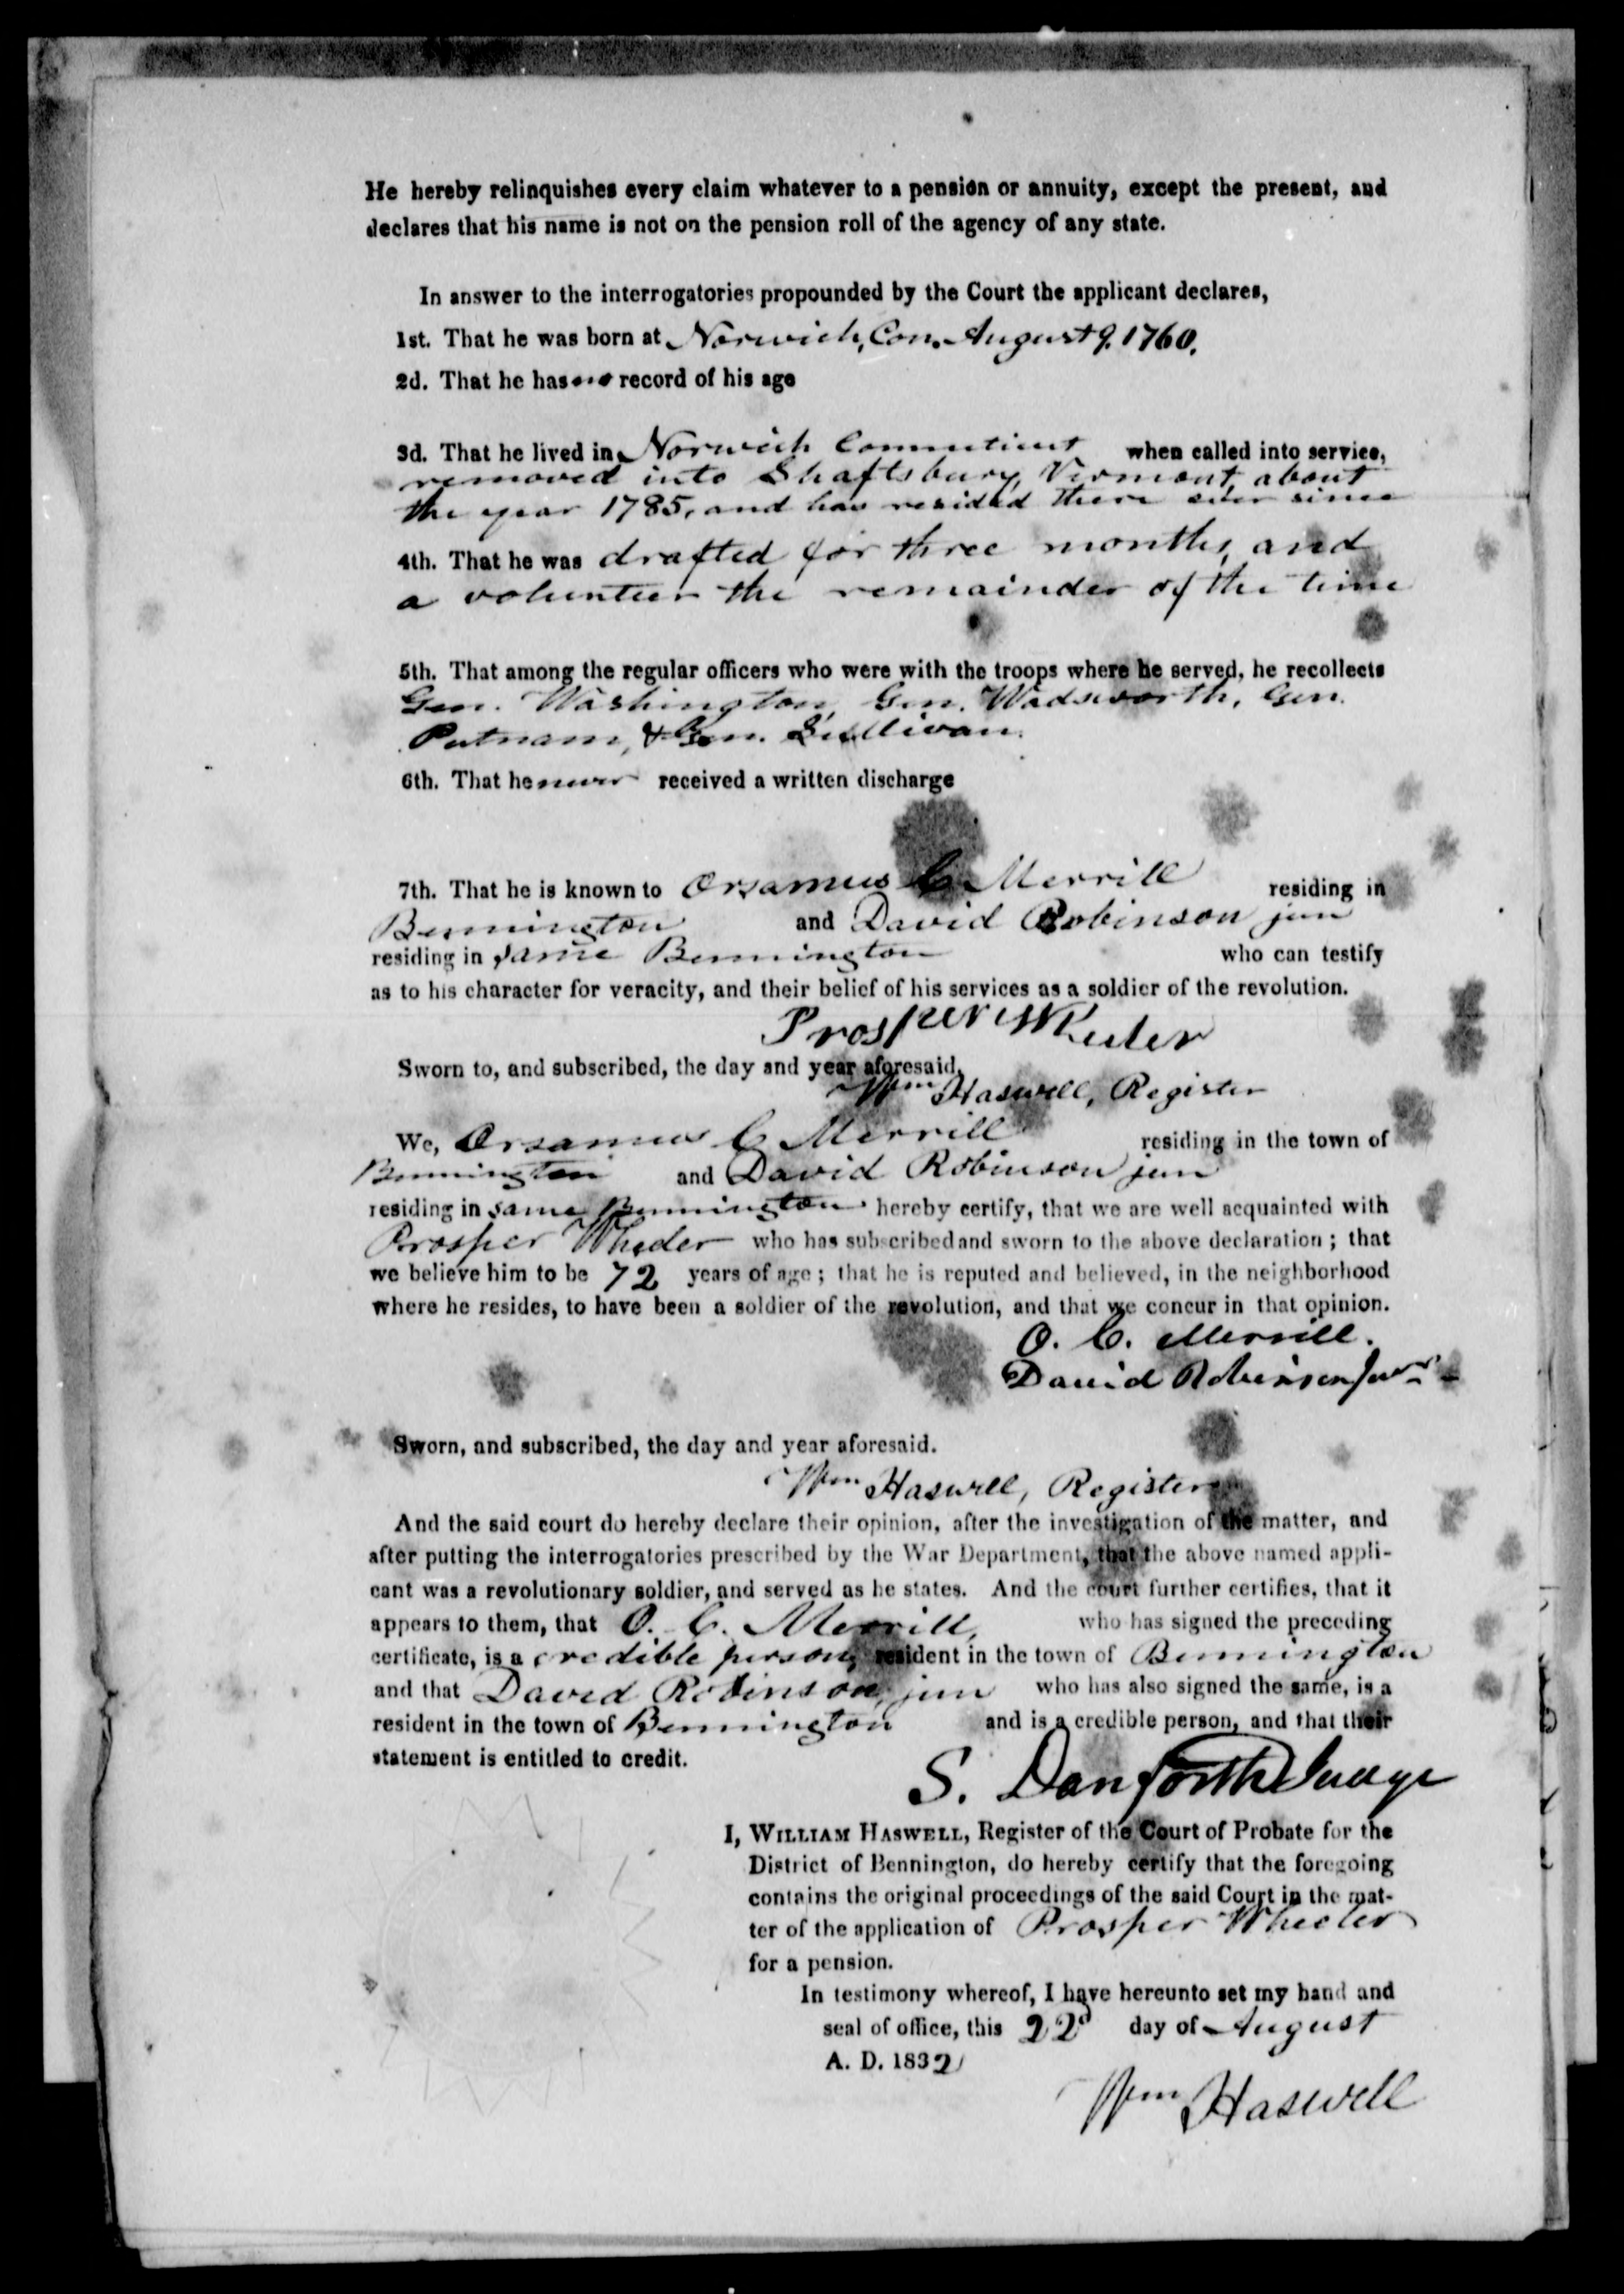He hereby relinquishes every claim whatever to a pension or annuity, except the present, and declares that his name is not on the pension roll of the agency of any state.

In answer to the interrogatories propounded by the Court the applicant declares,
1st. That he was born at Norwich, Con. August 9, 1760.
2d. That he has no record of his age

3d. That he lived in Norwich Connecticut when called into service, removed into Shaftsbury, Vermont, about the year 1785, and has resided there ever since

4th. That he was drafted for three months, and a volunteer the remainder of the time

5th. That among the regular officers who were with the troops where he served, he recollects Gen. Washington, Gen. Wadsworth, Gen. Putnam & Gen. Sullivan

6th. That he never received a written discharge
7th. That he is known to Orsamus C Merrill residing in Bennington and David Robinson Jun residing in same Benington who can testify as to his character for veracity, and their belief of his services as a soldier of the revolution.
Prosper Wheler

Sworn to, and subscribed, the day and year  aforesaid.
Wm Haswell, Register

We, Orsamus C Merrill residing in the town of Bennington and David Robinson Jun residing in same Bennington, hereby certify, that we are well acquainted with  Prosper Wider who has subscribed and sworn to the above declaration; that we believe him to be 72 years of age; that he is reputed and believed, in the neighborhood where he resides, to have been a soldier of the revolution, and that we concur in that opinion.
O. C. Merrill,
David Robinson Jr

Sworn, and subscribed, the day and year aforesaid.
Wm Haswell, Register

And the said court do hereby declare their opinion, after the  investigation of the matter, and after putting the interrogatories prescribed by the War Department, that the above named applicant was a revolutionary soldier, and served as he states. And the Court further certifies, that it appears to them, that O. C. Merrill, who has signed the preceding certificate, is a credible person resident in the town of Bennington and that David Robinson jun who has also signed the same is a resident in the town of Bennington and is a credible person, and that their statement is entitled to credit.
S. Danforth Judge

I, WILLIAM HASWELL, Register of the Court of Probate for the District of Bennington, do hereby certify that the foregoing contains the original proceedings of the said Court in the matter of the application of Prosper Wheeler for a pension.
In testimony whereof, I have hereunto set my hand and seal of office, this 22d day of August A. D. 1832
Wm Haswell

[illegible Seal affixed at left]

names: Sullivan, William Haswell, Orsamus C Merrill, Wadsworth, Washington, David Robinson, Putnam, S Danforth, Prosper Wheeler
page: 7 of 29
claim: widow's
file: W. 22604, Prosper Wheeler, Conn.